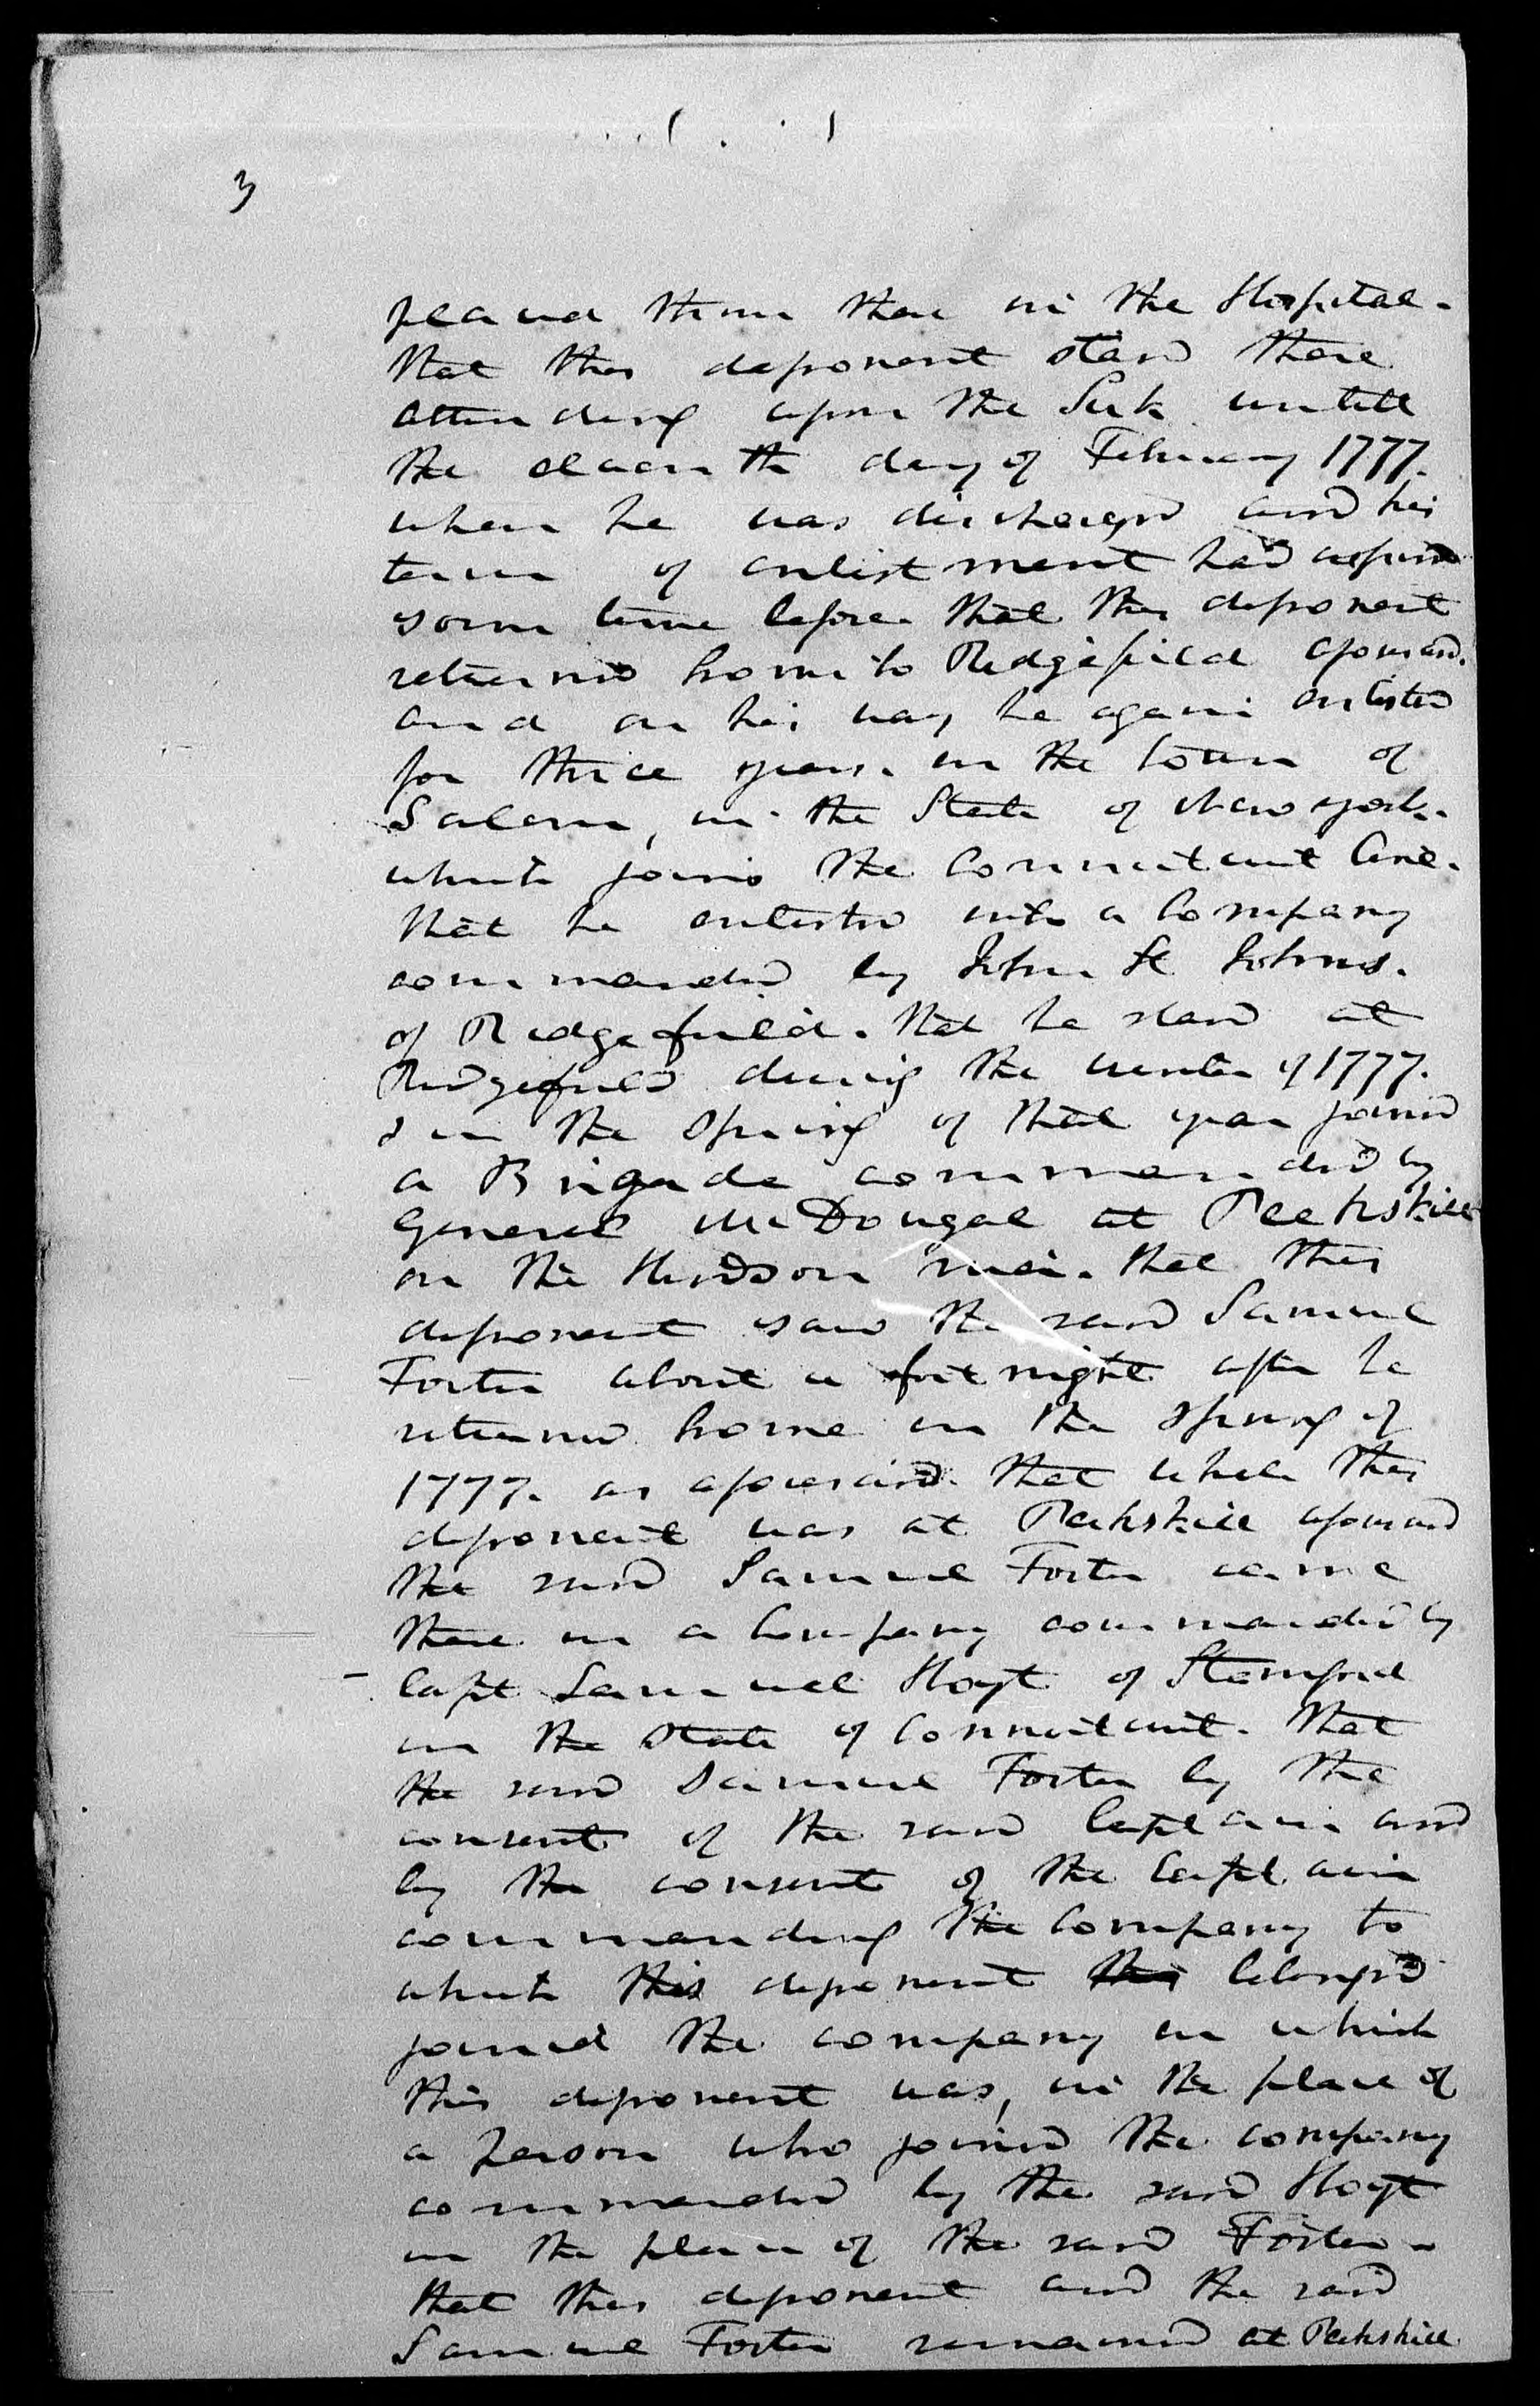3
[illegible] there then in the Hospital. that this deponent staid there attending upon the Sick untill the [illegible] day of February 1777.
When he was discharged and his term of enlistment had [illegible] some time before that this deponent returned home to Ridgefield aforesaid. and on his way he again enlisted for thrice years in the town of Salem in the State of New York [illegible] joins the Connecticut [illegible]. that he entered into a Company commanded by John St. Johns of Ridgefield. that he staid at Ridgefield during the winter of 1777. & in the spring of that year joined a Brigade commanded by General McDougal at Peekskill on the Hudson river. that this deponent saw the said Samuel Foster about a fortnight. after he returned home in the spring of 1777. an aforesaid that while that deponent was at Peekskill aforesaid the said Samuel Foster came there in a Company commanded by Capt Samuel Hoyt of Stamford in the state of Connecticut. that the said Samuel Foster by the consent of the  said Captain and by the consent of the Captain commanding the Company to which this deponent [word crossed out] belonged joined the company in which this deponent was, in the place of a person who joined the company commanded by the said Hoyt in the place of the said Foster. that this deponent ad the said Samuel Foster remained at Peekskill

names: Samuel Hoyt, Samuel Foster, Samuel Foster, Samuel Foster, Mc Dougal, Samuel Foster, Foster, Hoyt, John St Johns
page: 34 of 54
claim: survivor's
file: S. 13,043, Samuel Foster, Conn.